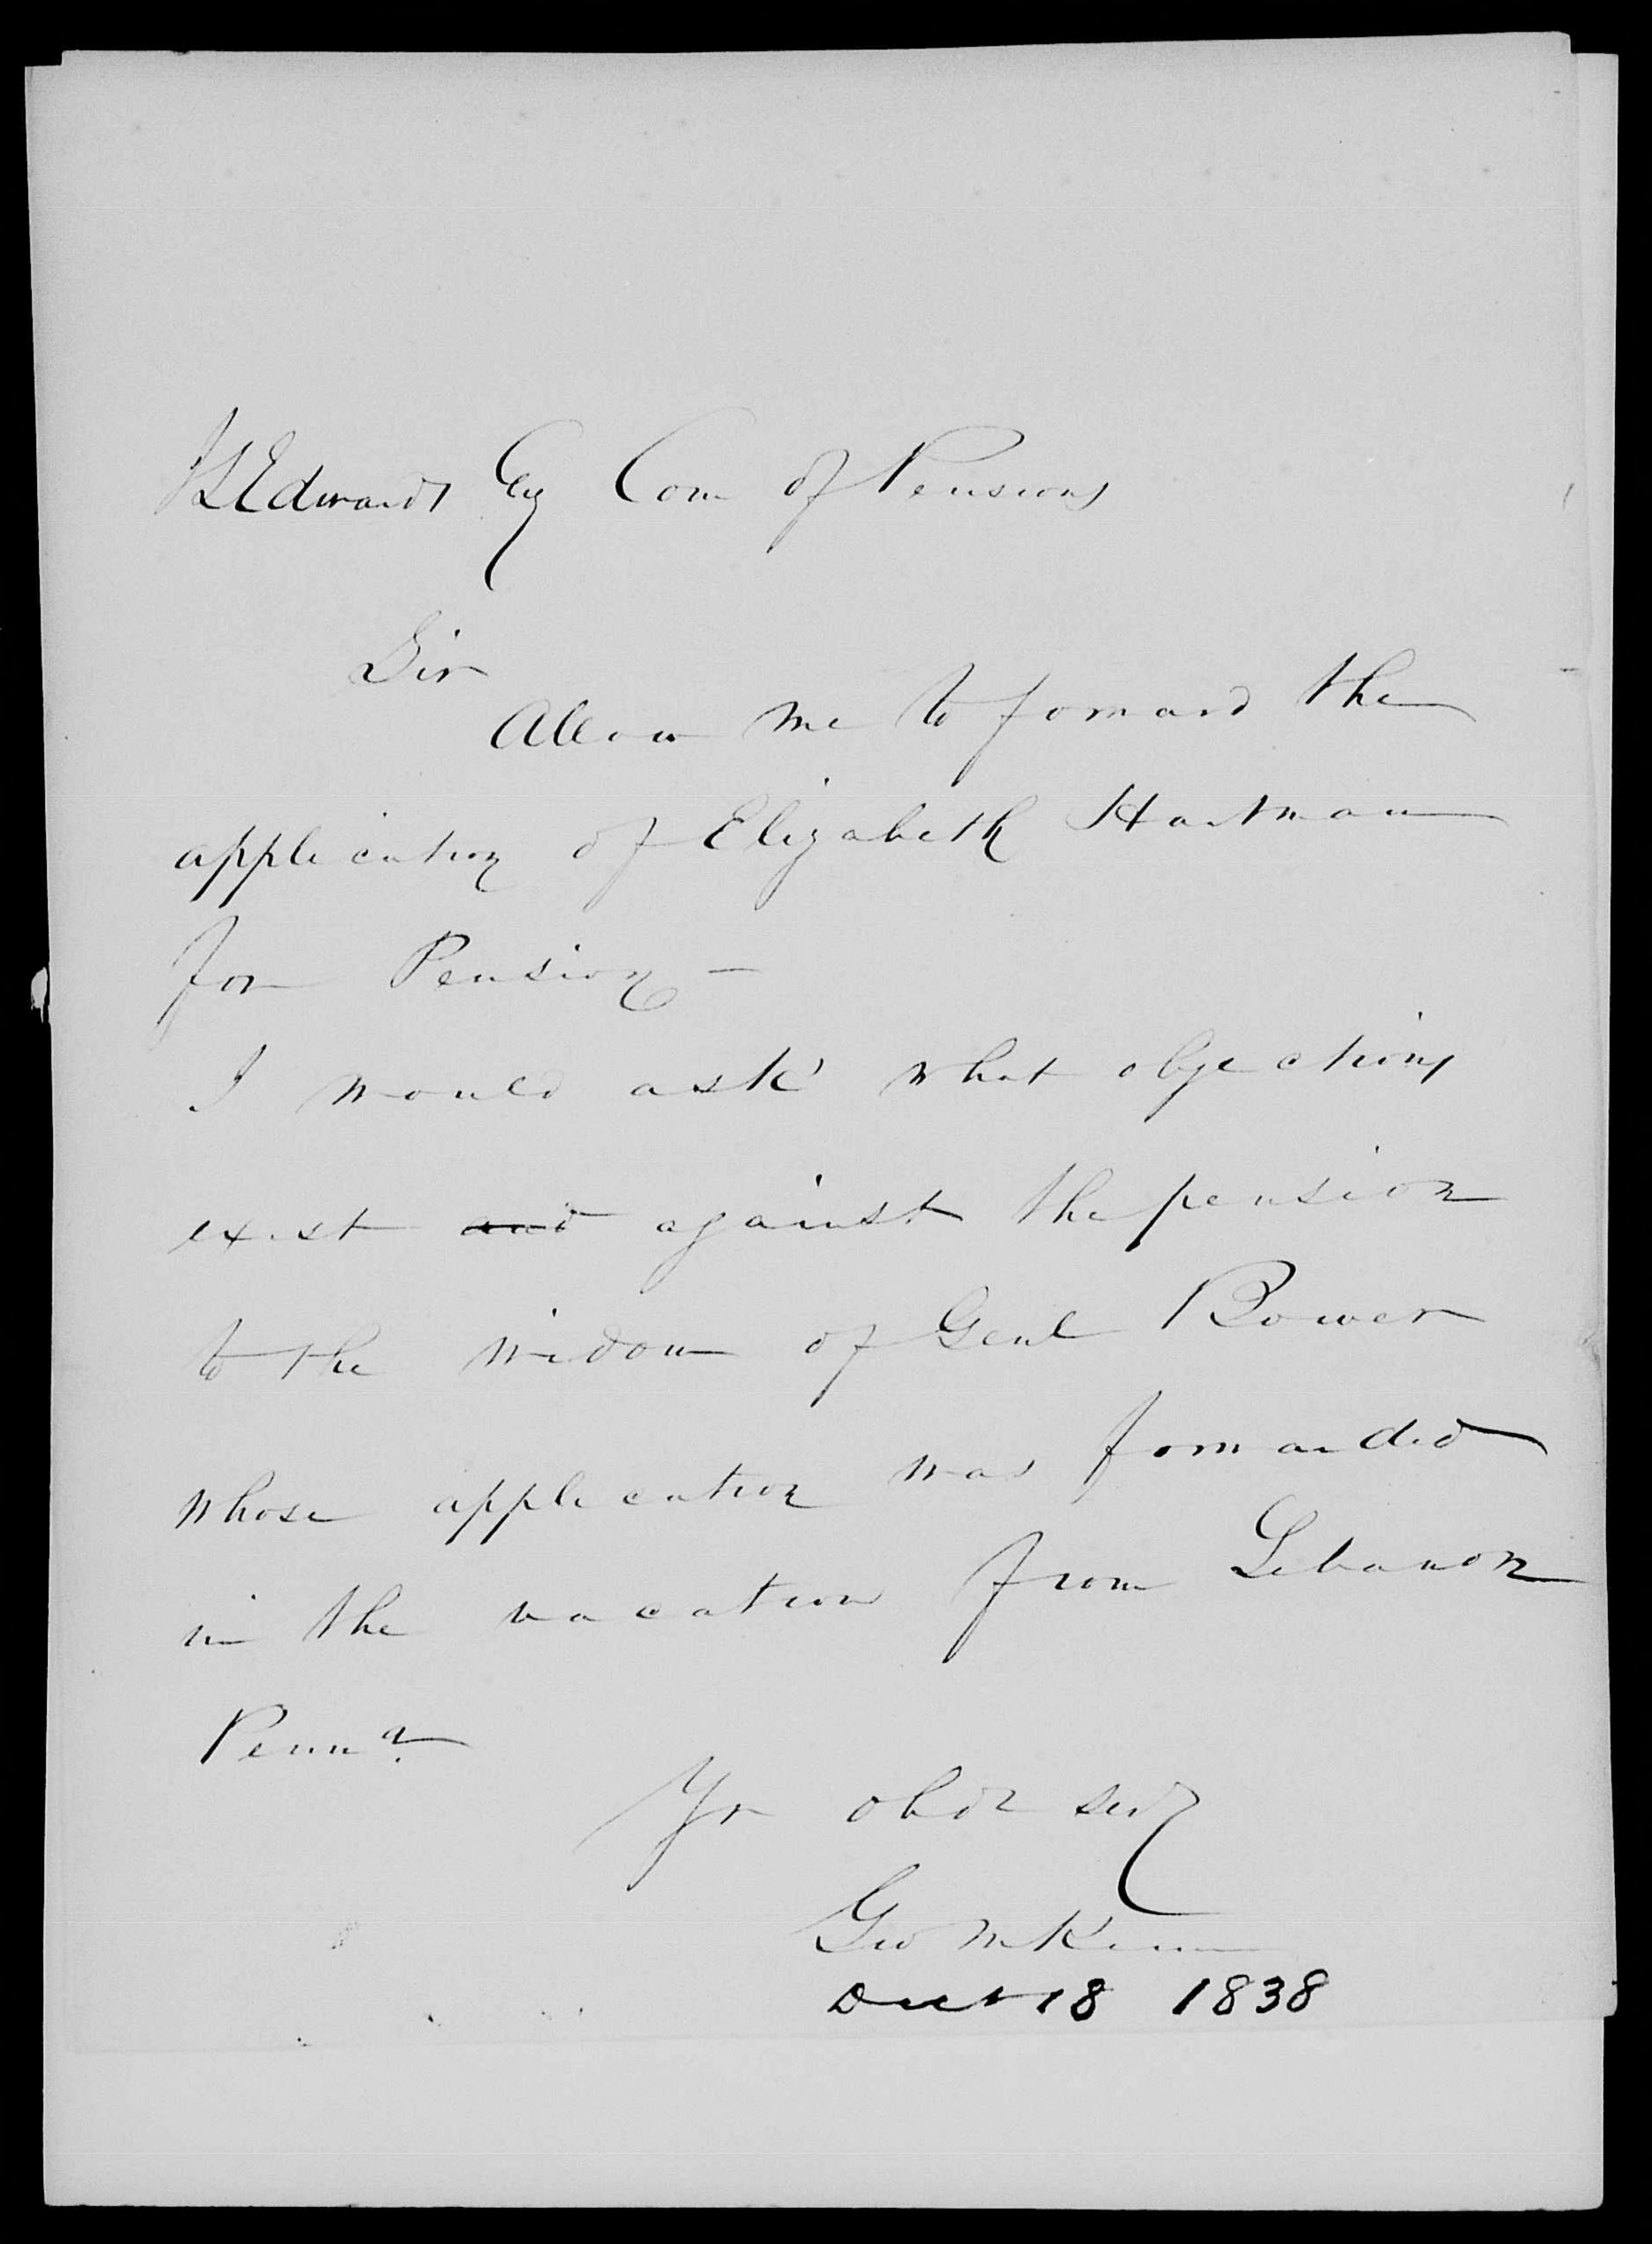J L Edwards Esq Com of Pensions
Sir
Allow me to forward the
application of Elizabeth Hartman
for Pension.
I would ask what objections
exist [crossed out] against the pension
to the widow of Genl Bower
whose application was forwarded
in the vacation from Lebanon
Penn?
Yr obe ser
Geo M Keim
Dec 18 1838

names: Geo M Keim, Elizabeth Hartman, Bower, J L Edwards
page: 18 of 29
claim: widow's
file: W. 2,789, George Hartman, New Jersey